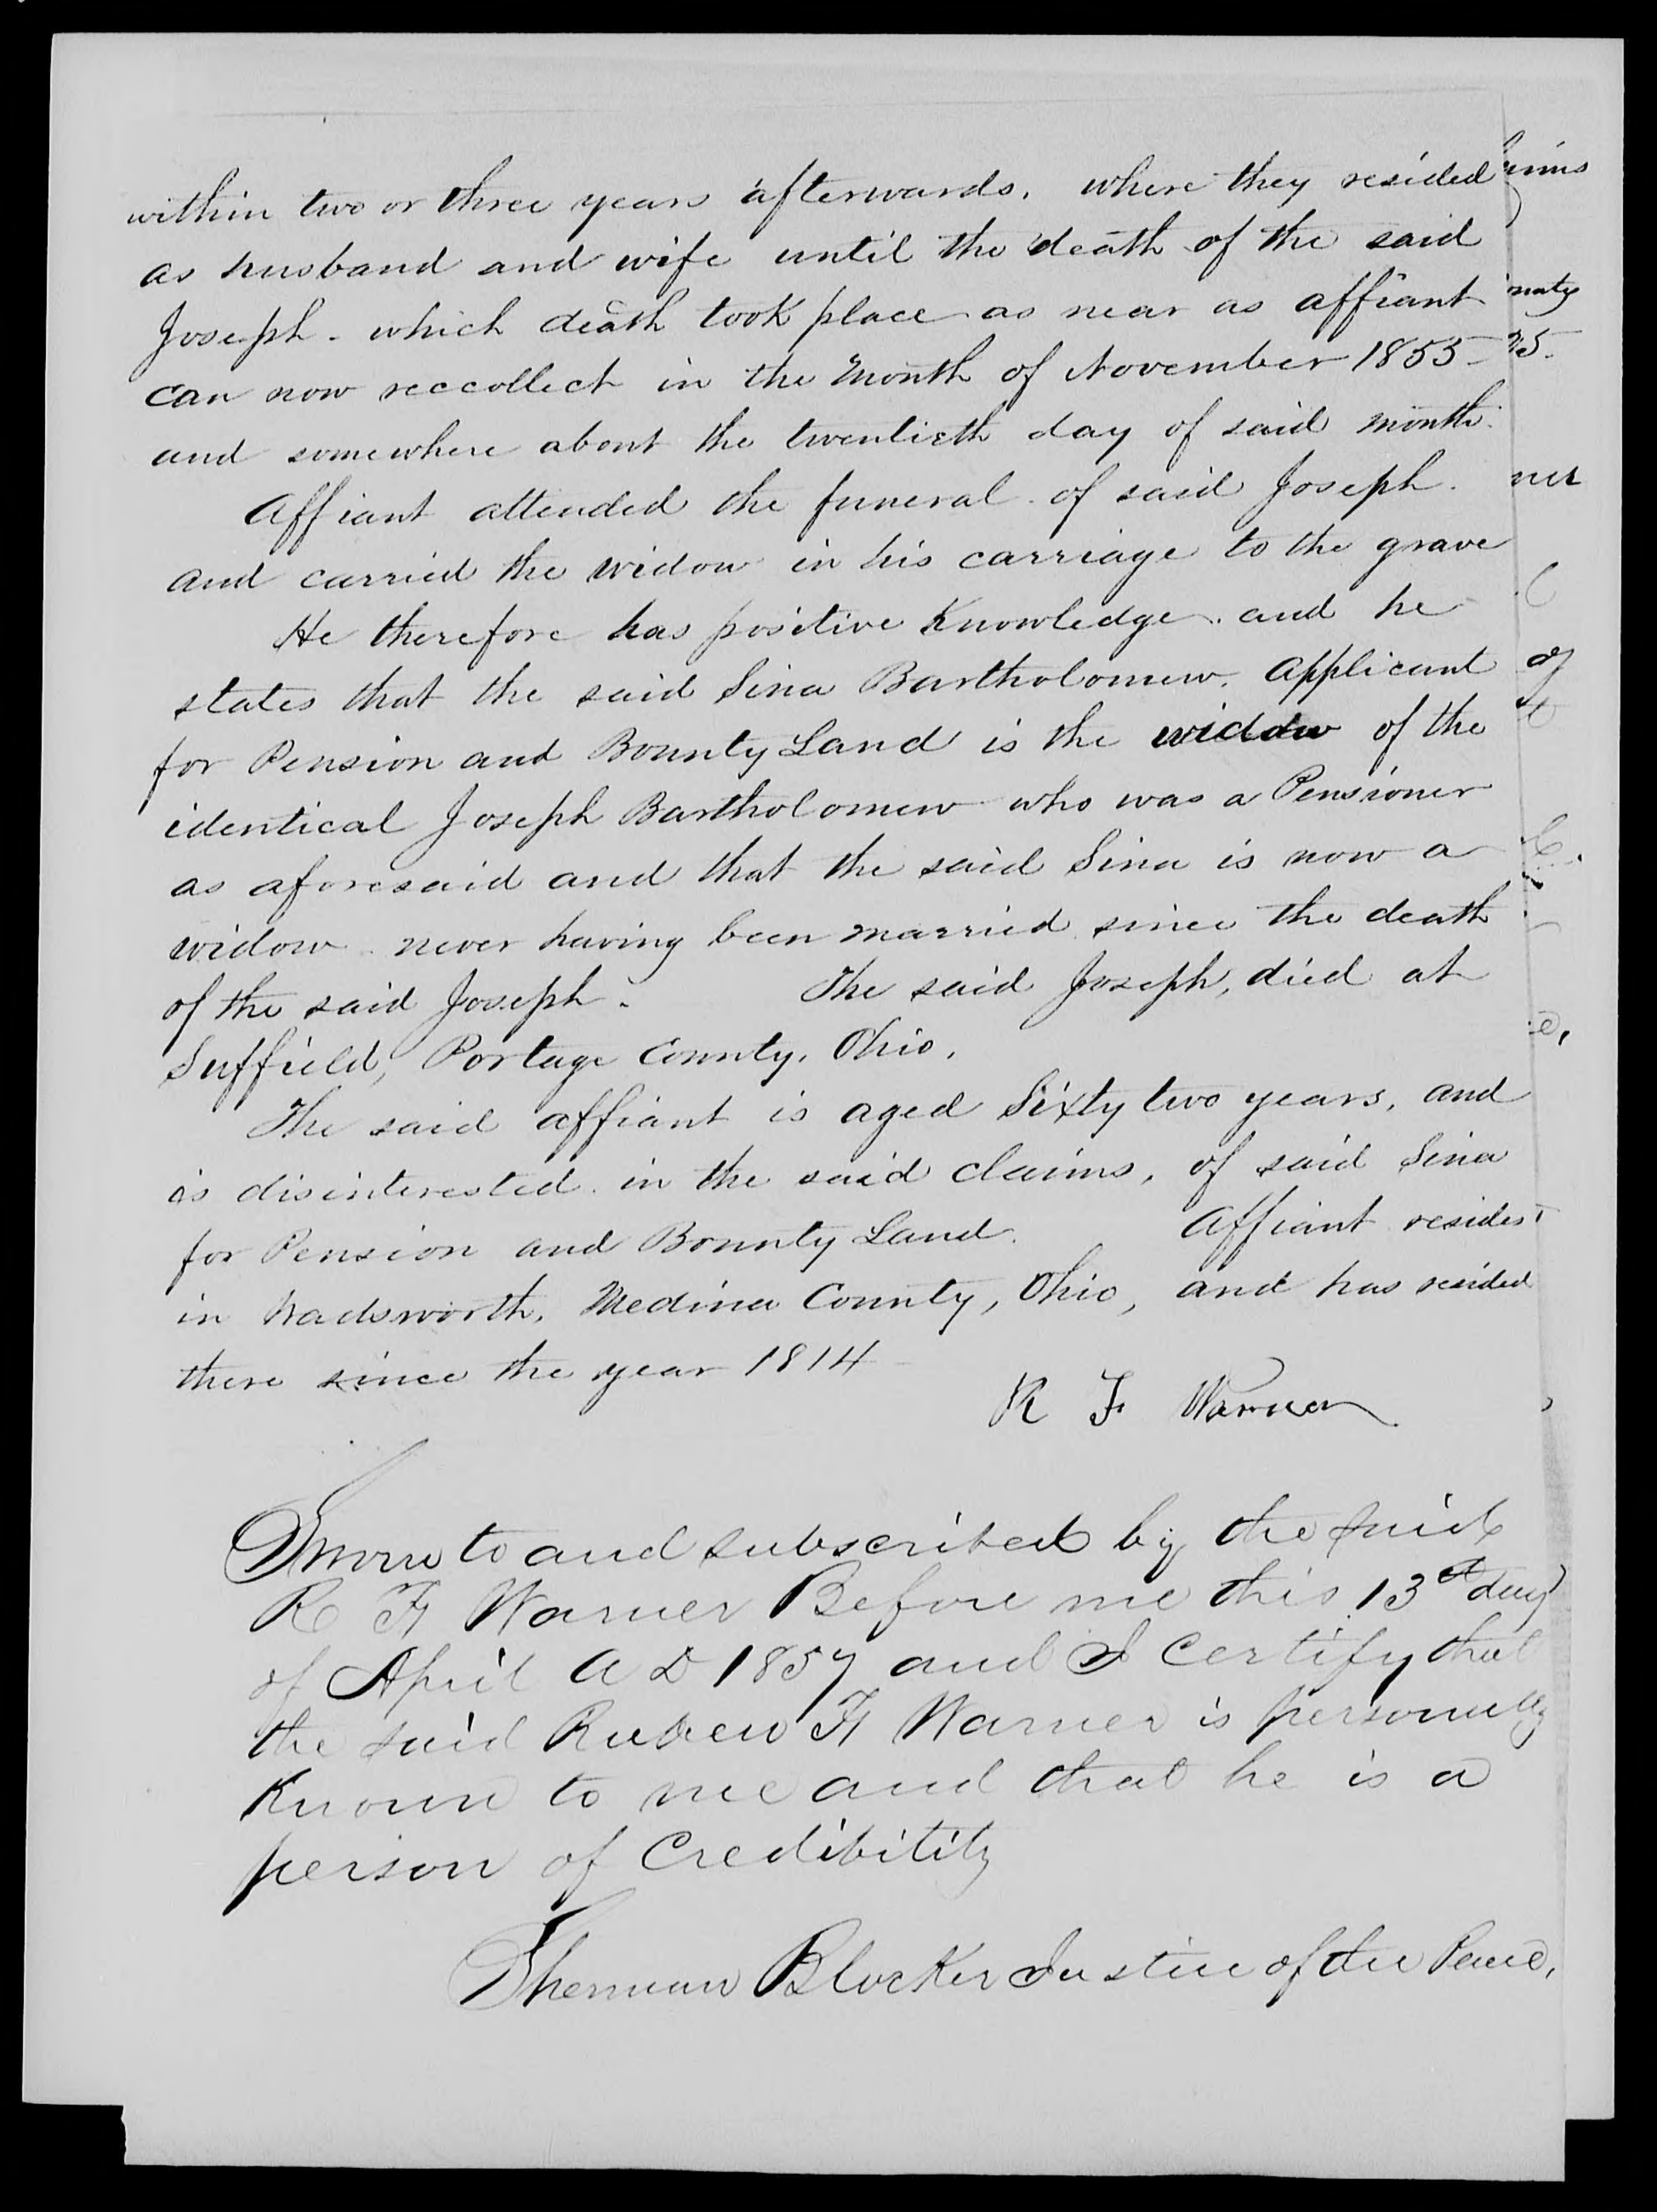within two or three years afterwards, where they resided as husband and wife until the death of the said Joseph, which death took place as near as affiant can now recollect in the month of November 1855 - and somewhere about the twentieth day of said month.

Affiant attended the funeral of said Joseph
and carried the widow in his carriage to the grave.

He therefore has positive knowledge and he
states that the said Sina Bartholomew, Applicant for Pension and Bounty Land is the widow of the identical Joseph Bartholomew who was a Pensioner as aforesaid and that the said Sina is now a widow never having been married since the death of the said Joseph.  The said Joseph, died at
Suffield, Portage County, Ohio.

The said affiant is aged sixty two years, and is disinterested in the said claims, of said Sina for Pension and Bounty Land.  Affiant resides  in Wadsworth, Medina County, Ohio, and has resided there since the year 1814.

R F Warner [signature]


Sworn to and subscribed by the said R F Warner Before me this 13th day of April A D 1857 and I certify that the said Ruben F Warner is personally known to me and that he is a person of credibility

Sherman Blocker Justice of the Peace,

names: R F Warner, Joseph, Joseph, Sherman Blocker, Joseph Bartholomew, Sina, Ruben F Warner, Sina Bartholomew, Joseph, Joseph, R F Warner, Sina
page: 35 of 76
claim: widow's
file: W. 9345, Joseph Bartholomew, Conn.